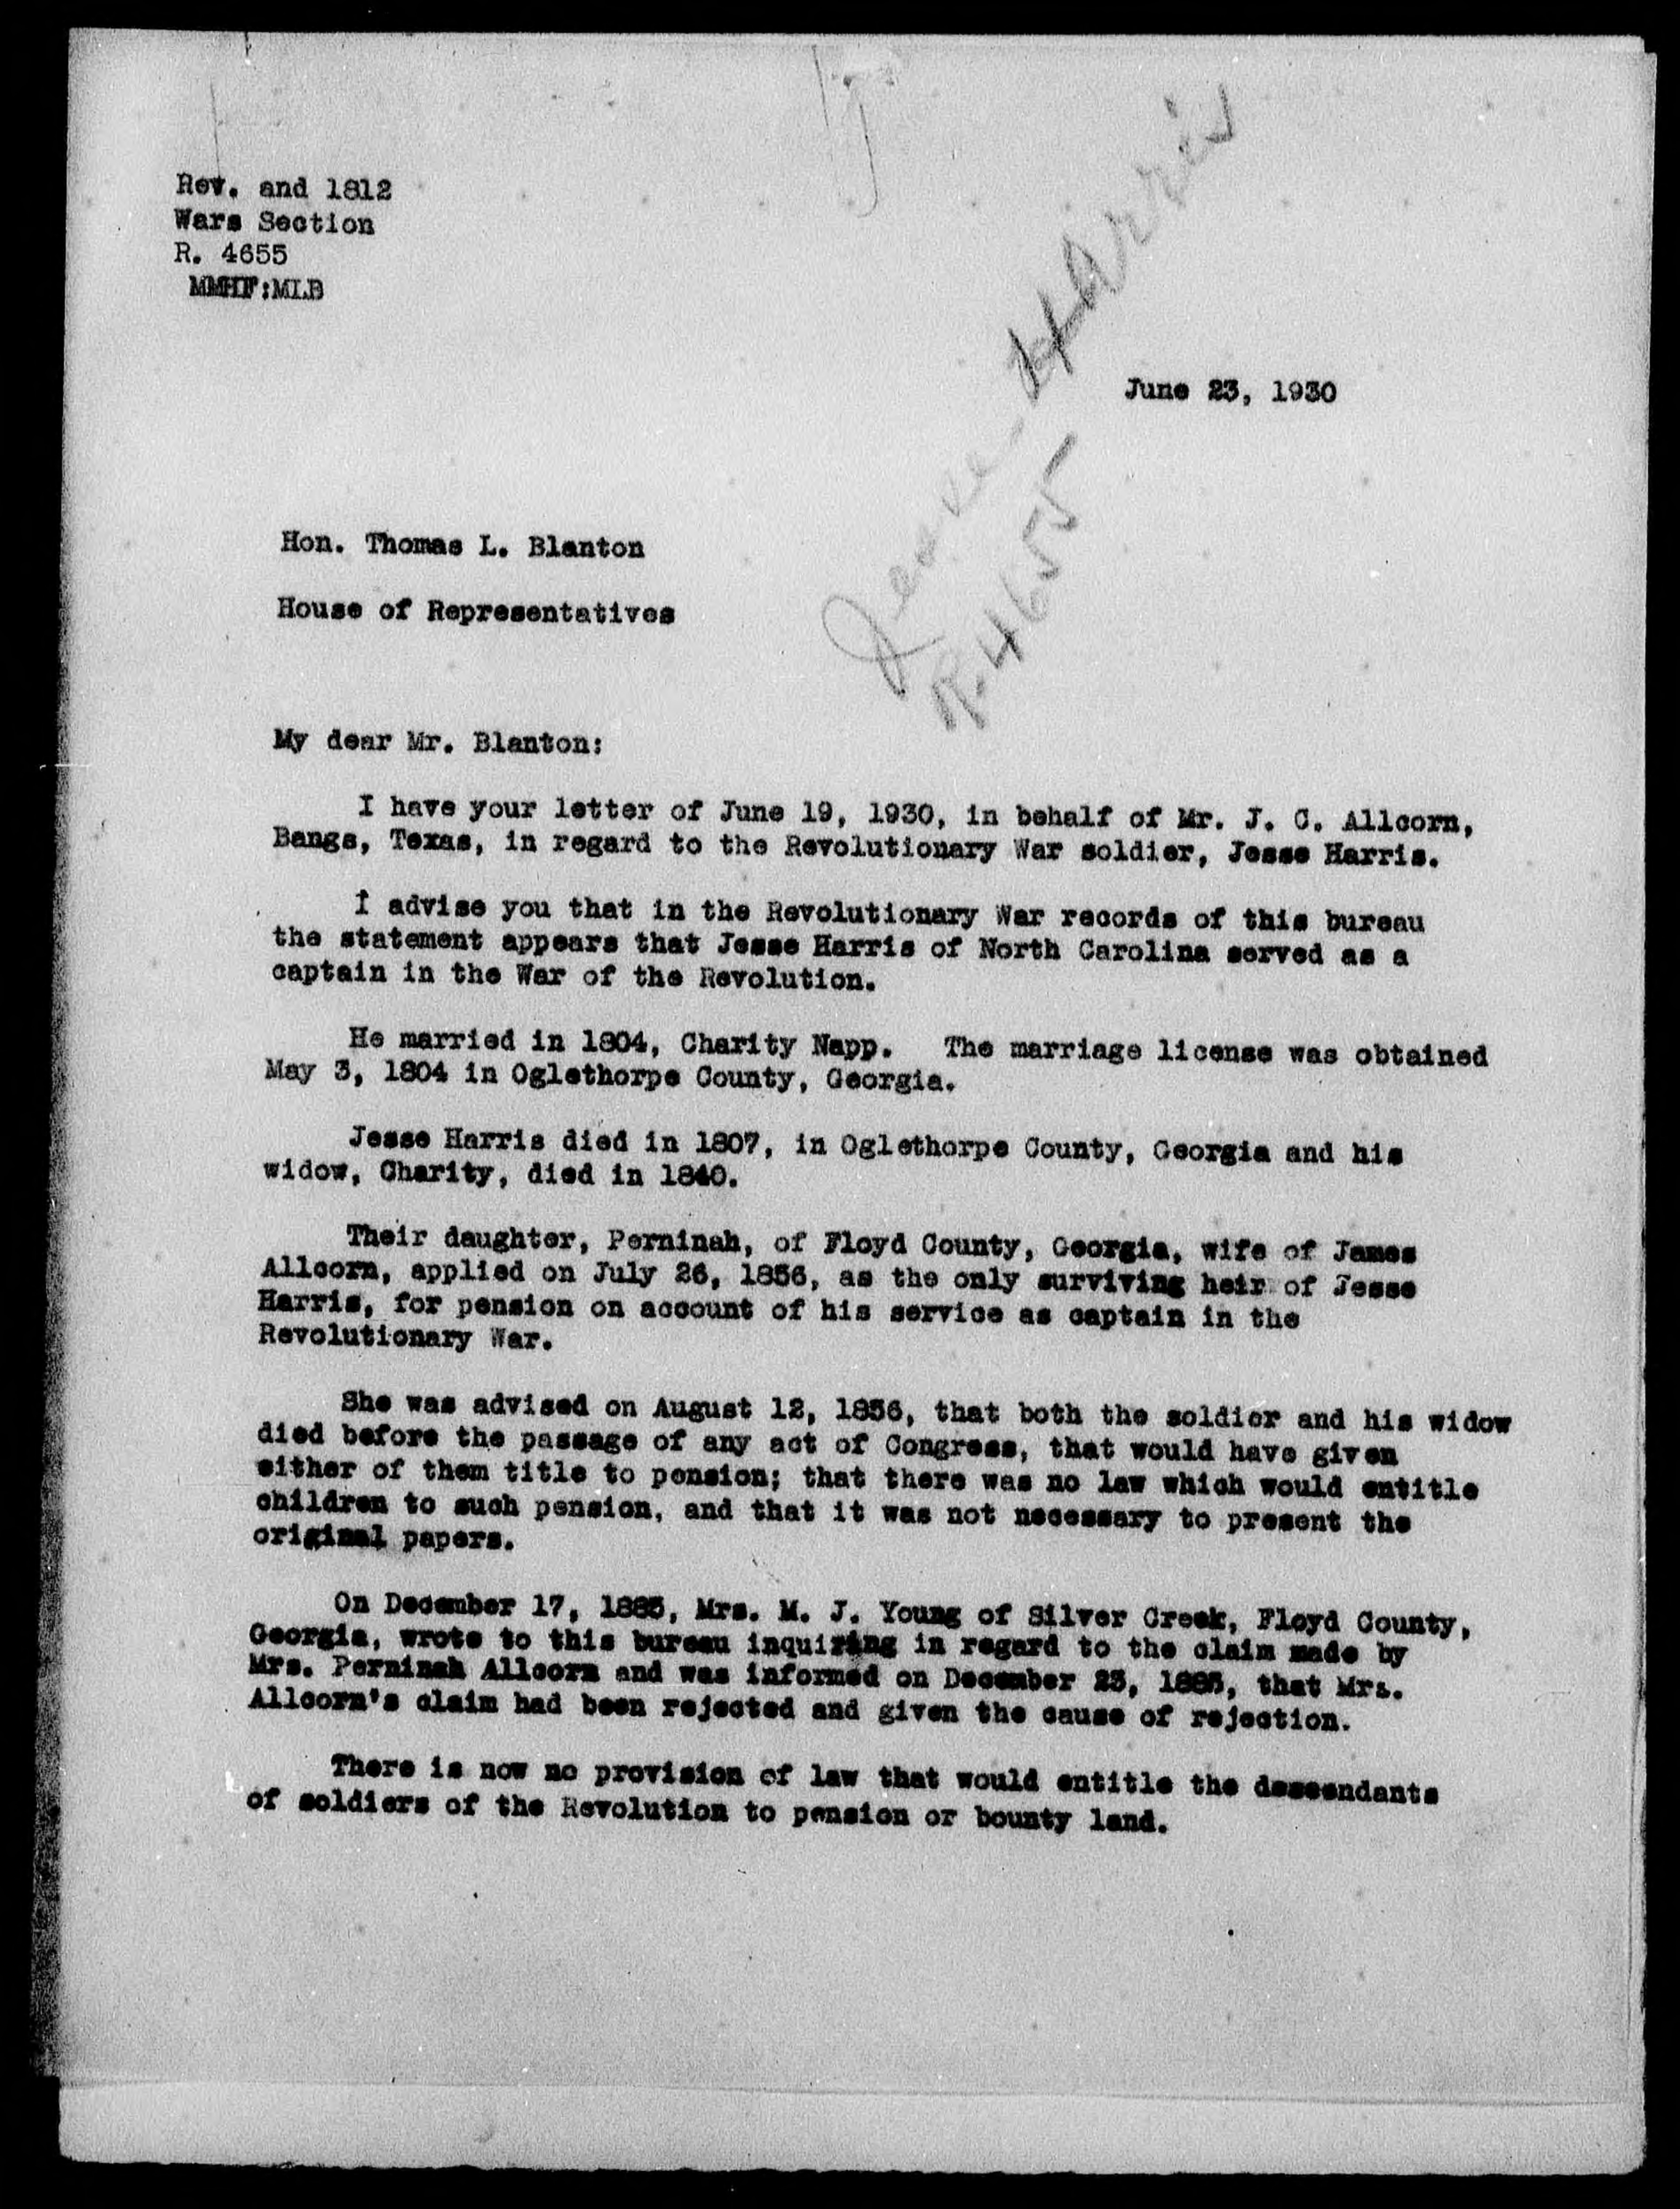Rev. and 1812
Wars Section
R 4655
MMHF:MLB
June 23, 1930
Jesse Harris 4655
Hon. Thomas L. Blanton
House of Representatives
My dear Mr. Blanton:
I have your letter of June 19, 1930, in behalf of Mr. J.C. Allcorn, Bangs, Texas, in regard to Revolutionary War Soldier, Jesse Harris.
I advise you that the Revolutionary War records of this bureau that statement appears that Jesse Harris of North Carolina served as a captain in the War of the Revolution.
He married in 1804, Charity Napp. The marriage license was obtained May 3, 1804 in Oglethorpe County, Georgia.
Jesse Harris died in 1807, in Oglethorpe County, Georgia and his widow Charity, died in 1840.
Their daughter Perninah, of Floyd County, Georgia, wife of James Allcorn, applied on July 26, 1856, as the only surviving heir of Jesse Harris, for pension on account of his service as captain in the Revolutionary War.
She was advised on August 12, 1856, that both the soldier and his widow died before the passage of any act of Congress, that would have given either of them title to pension; that there was no law which would entitle children to such pension, and that it was not necessary to present the original papers.
On December 17, 1865, Mrs. M. J. Young of Silver Creek, Floyd County, Georgia, wrote to this bureau inquiring in regard to the claim made by Mrs. Perninah Allcorn and was informed on December 23, 1865, that Mrs. Allcorn's claim had been rejected and given the cause of rejection.
Ther is now no provision of law that would entitle the descendants of soldiers of the Revolution to pension or bounty land.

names: Thomas L Blanton, Jesse Harris, Jesse Harris, Perninah Allcorn, Jesse Harris, Charity Napp, Charity, James Allcorn, Blanton, M J Young, Allcorn, J C Allcorn, Jesse Harris, Jesse Harris, Perninah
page: 10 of 32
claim: rejected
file: R. 4655, Jesse Harris, N.C.